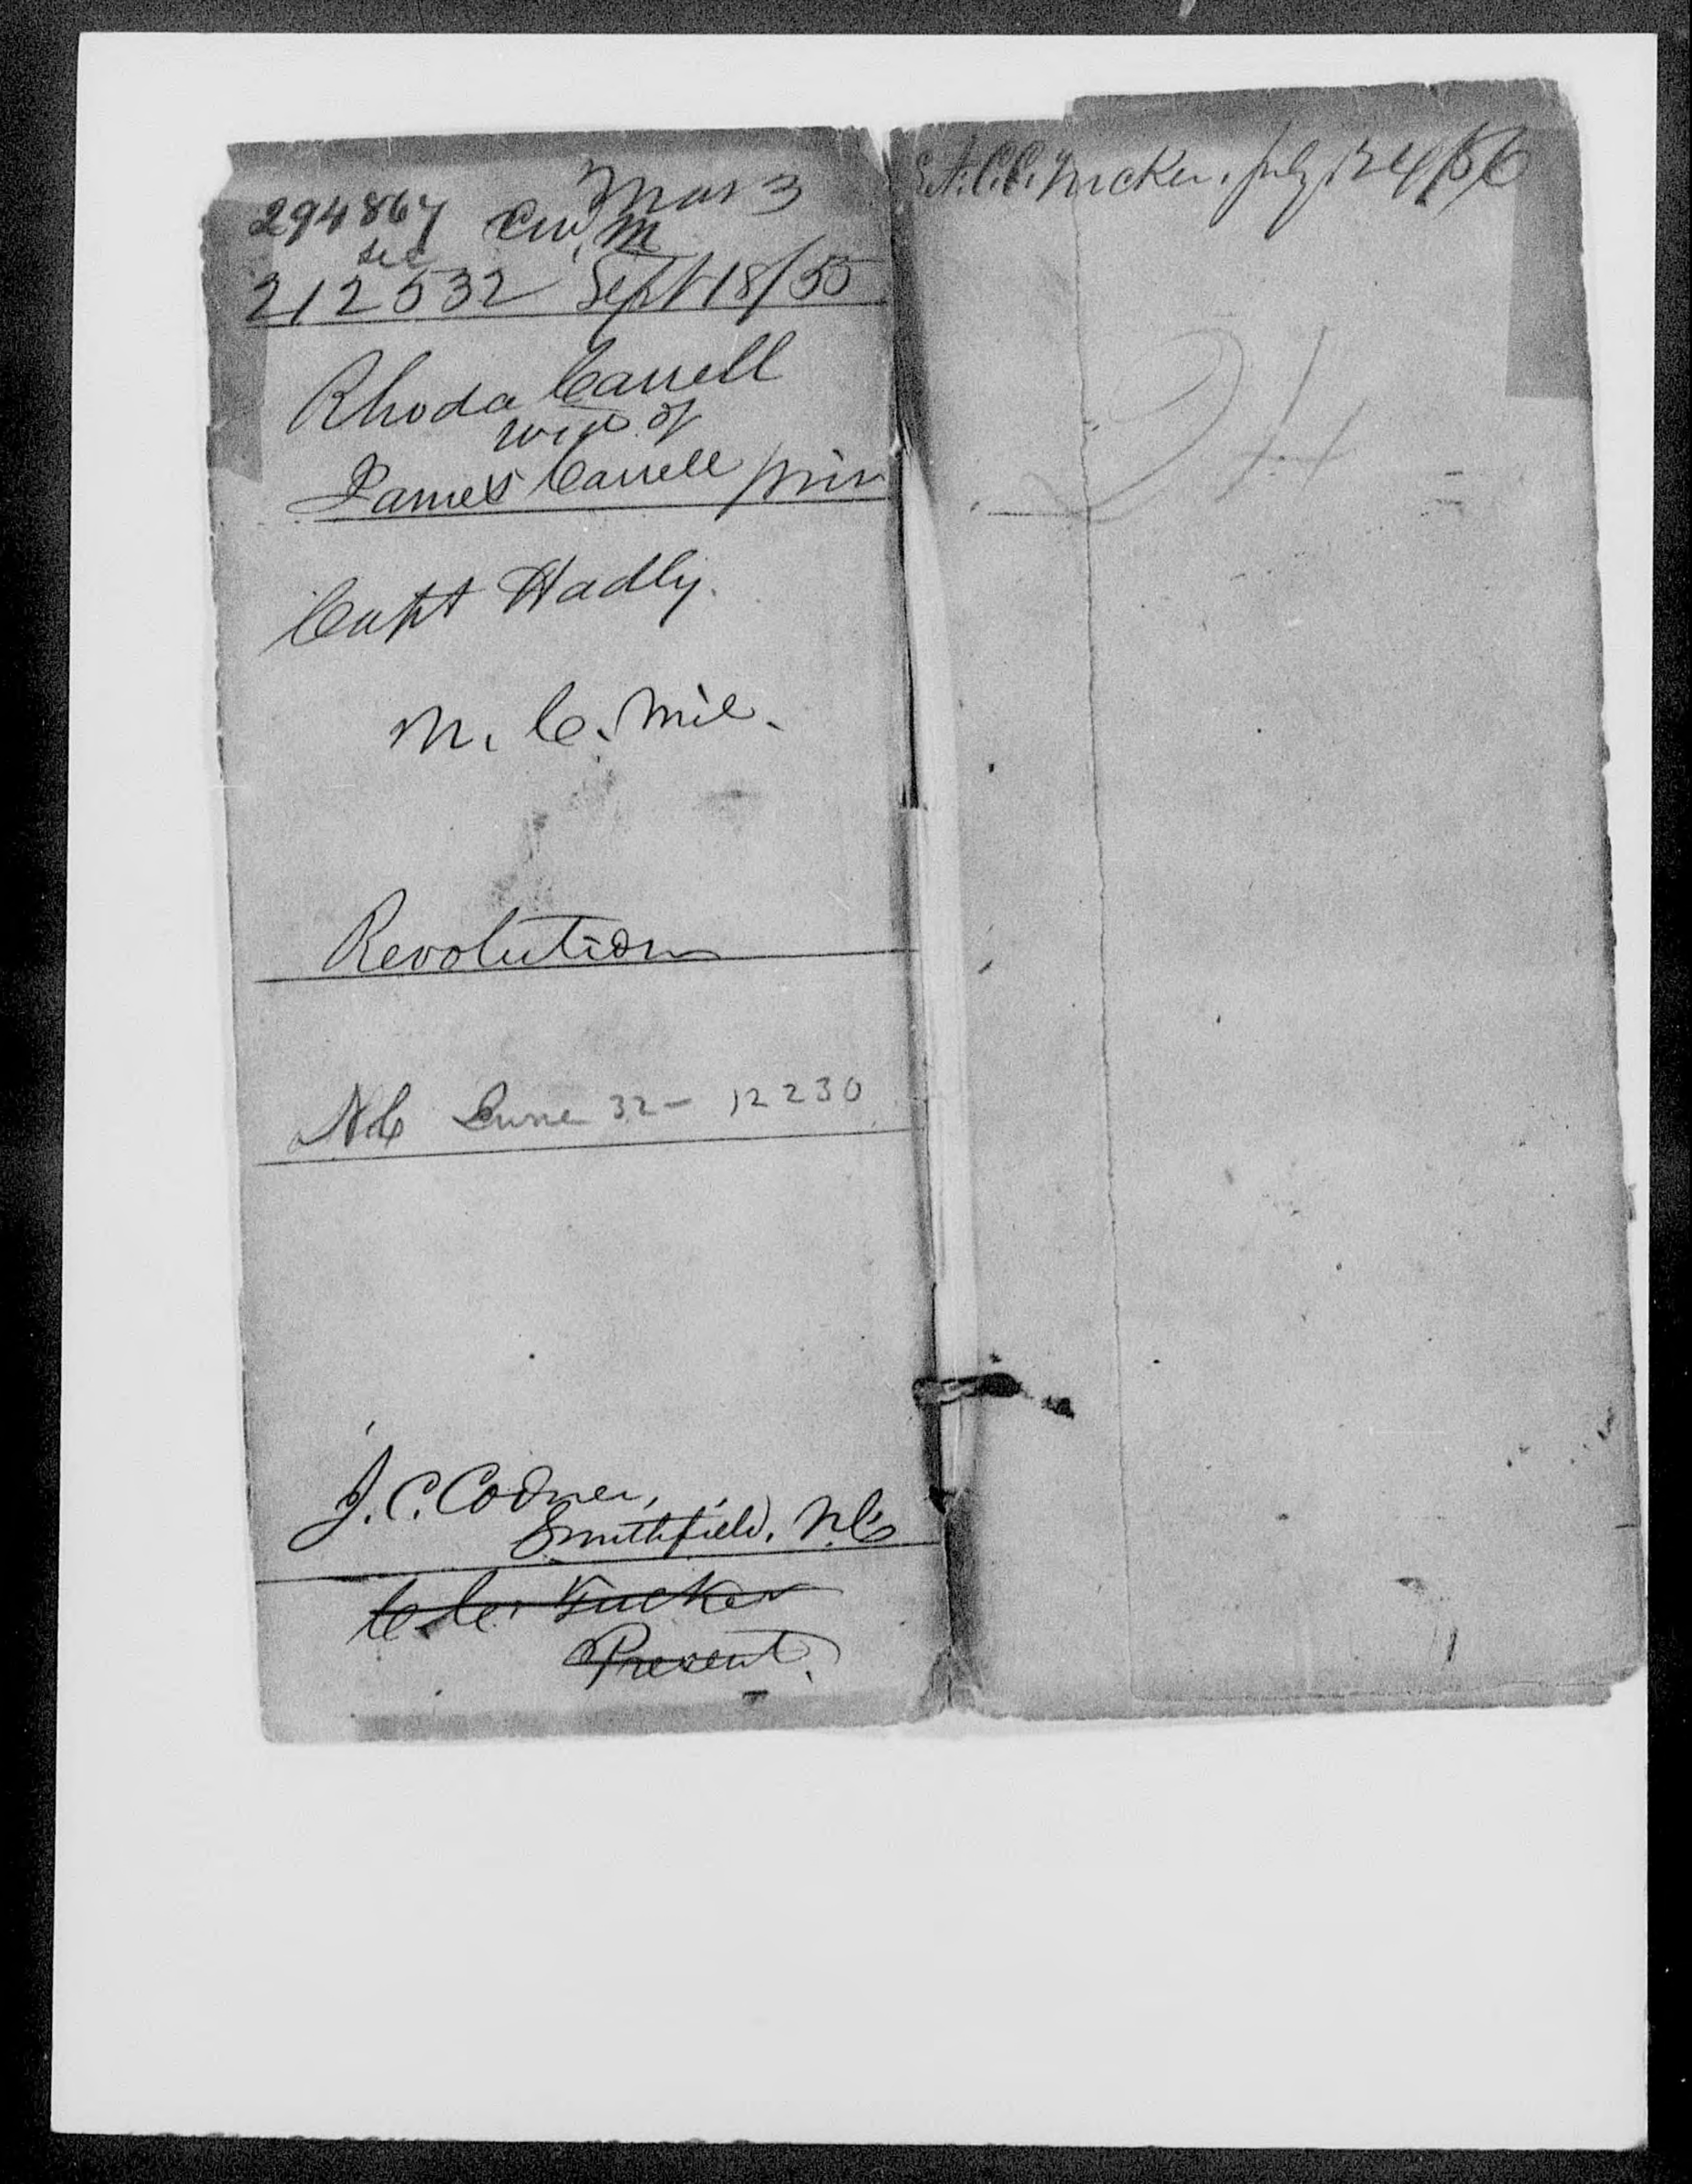[left side of page]
294867  Mar 3
[illegible]
212532  Sept 18/55

Rhoda Carrell
Wid of 
James Carrell Priv

Capt Hadly

N.C. mil.
Revolution

NC June 32- 12230

[right side of page]

A.C.C Tucker July 24/86

24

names: Rhoda Carrell, C C Tucker, J C Codner, James Carrell, C C Tucker, Hadly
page: 36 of 86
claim: widow's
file: W. 6899, James Carrell, N.C.